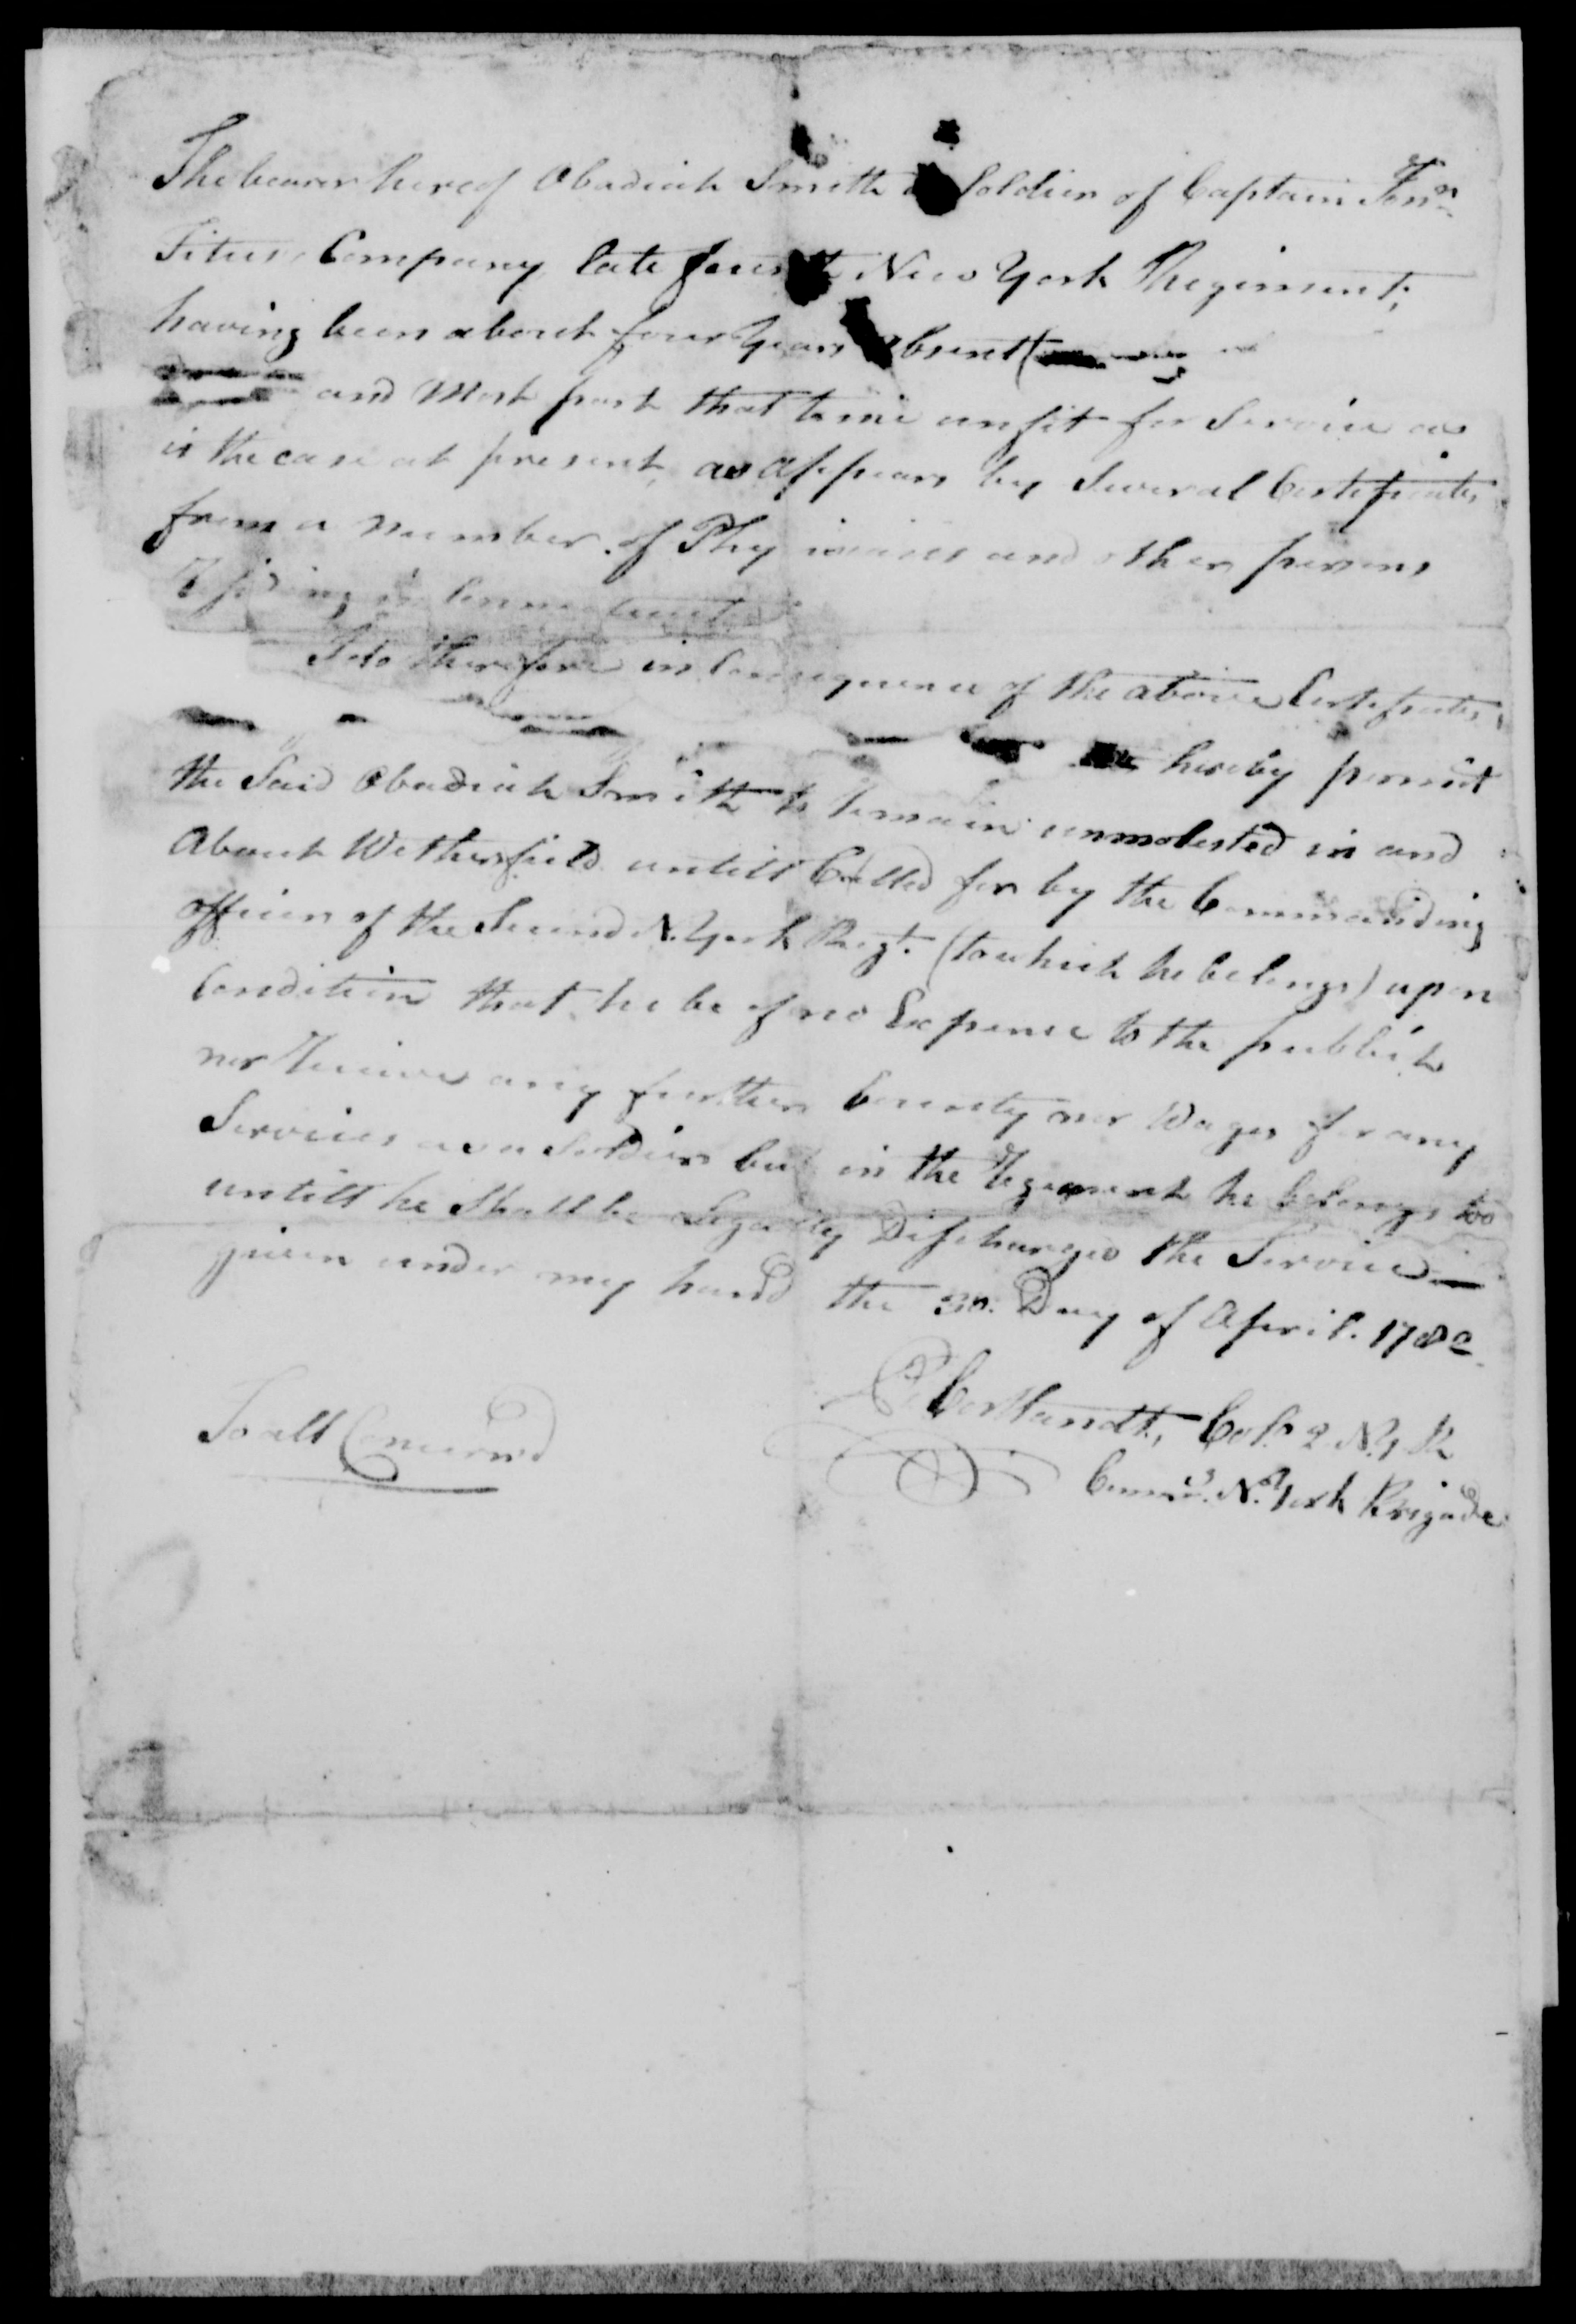The bearer hereof Obadiah Smith [ink blot] Soldier of Captain Jon. Titus Company late forc___ [ink blot] New York Regiment; having been about four years absent [illegible words] and Most part that time unfit for service as is the case at present as appears by Several Certificates from a member of Physicians and other persons [illegible words] I do therefore in consequence of the above Certificates [most of this line missing, torn page] hereby permit the said Obadiah Smith to remain unmolested in and about Wetherfield untill Called for by the Commanding officers of the Second N. York Regt. (to which he belongs) upon condition that he be of no expence to the public he nor having any further bounty and Wages of any Services was Soldieir but in the Regiment he belongs, to untill he shall be Legally Discharged the Service- given under my hand the 3d. Day of April. 1782. [signature:] D. Cortlandt, Col. 2nd Regt Commanr. N. York Regiment..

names: D Cortlandt; Obadiah Smith; Obadiah Smith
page: 20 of 66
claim: survivor's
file: S 40458, for Obadiah Smith, New York